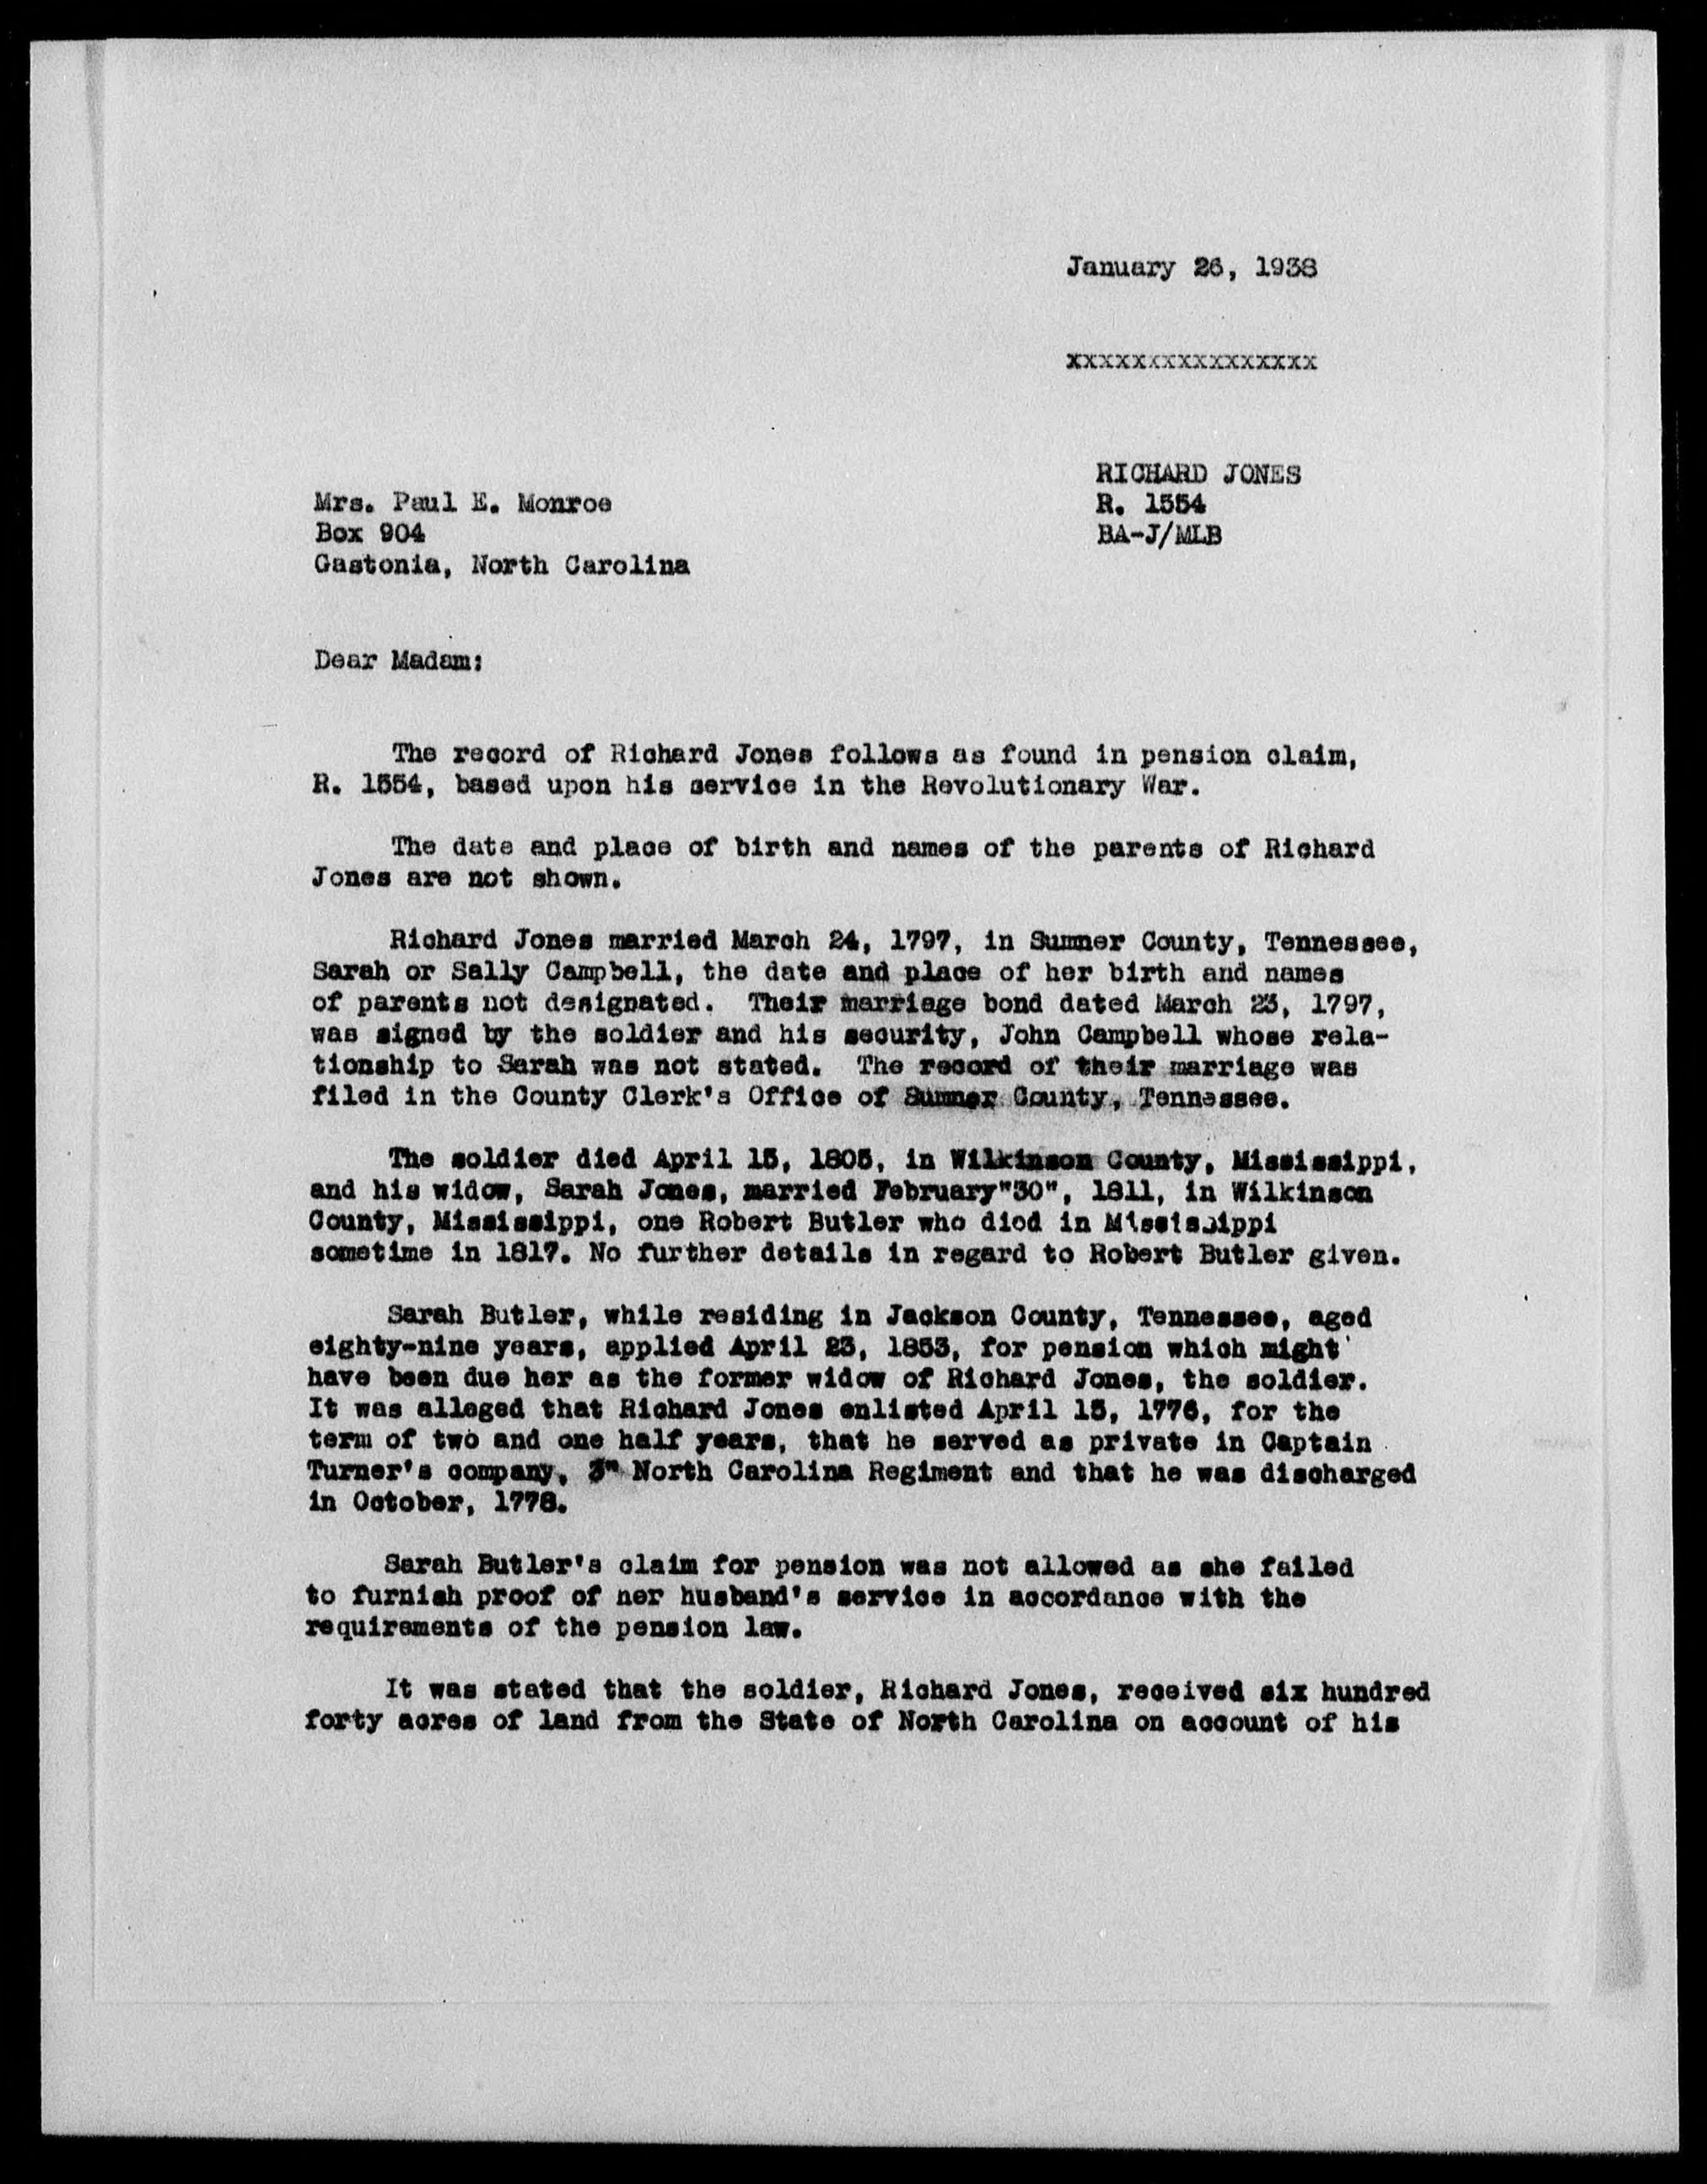January 26, 1938

XXXXXXXXXXXXXXXXXXXXXX

RICHARD JONES
R. 1554
BA-/MLB

Mrs. Paul E. Monroe
Box 904
Gastonia, North Carolina

Dear Madam:

The record of Richard Jones follows as found in pension claim,
R. 1554, based upon his service in the Revolutionary War.

The date and place of birth and names of the parents of Richard
Jones are not shown.

Richard Jones married March 24, 1797, in Sumner County, Tennessee,
Sarah or Sally Campbell, the date and place of her birth and names 
of parents not designated.  Their marriage bond dated March 23, 1797,
was signed by the soldier and his security, John Campbell whose relationship
to Sarah was not stated.  The record of their marriage was
filed in the County Clerk's Office of Sumner County, Tennessee.

The soldier died April 15, 1805, in Wilkinson County, Mississippi,
and his widow, Sarah Jones, married February "30", 1811, in Wilkinson
County, Mississippi, one Robert Butler who died in Mississippi
sometime in 1817.  No further details in regard to Robert Butler given.

Sarah Butler, while residing in Jackson County, Tennessee, aged
eighty-nine years, applied April 23, 1853, for pension which might
have been due her as the former widow of Richard Jones, the soldier.
It was alleged that Richard Jones enlisted April 15, 1776, for the 
term of two and one half years, that he served as private in Captain 
Turner's company, 3" North Carolina Regiment and that he was discharged
in October, 1778.

Sarah Butler's claim for pension was not allowed as she failed 
to furnish proof of her husband's service in accordance with the 
requirements of the pension law.

It was stated that the soldier, Richard Jones, received six hundred
forty acres of land from the State of North Carolina on account of his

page: 11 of 33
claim: rejected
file: R. 1554, for Richard Jones, North Carolina